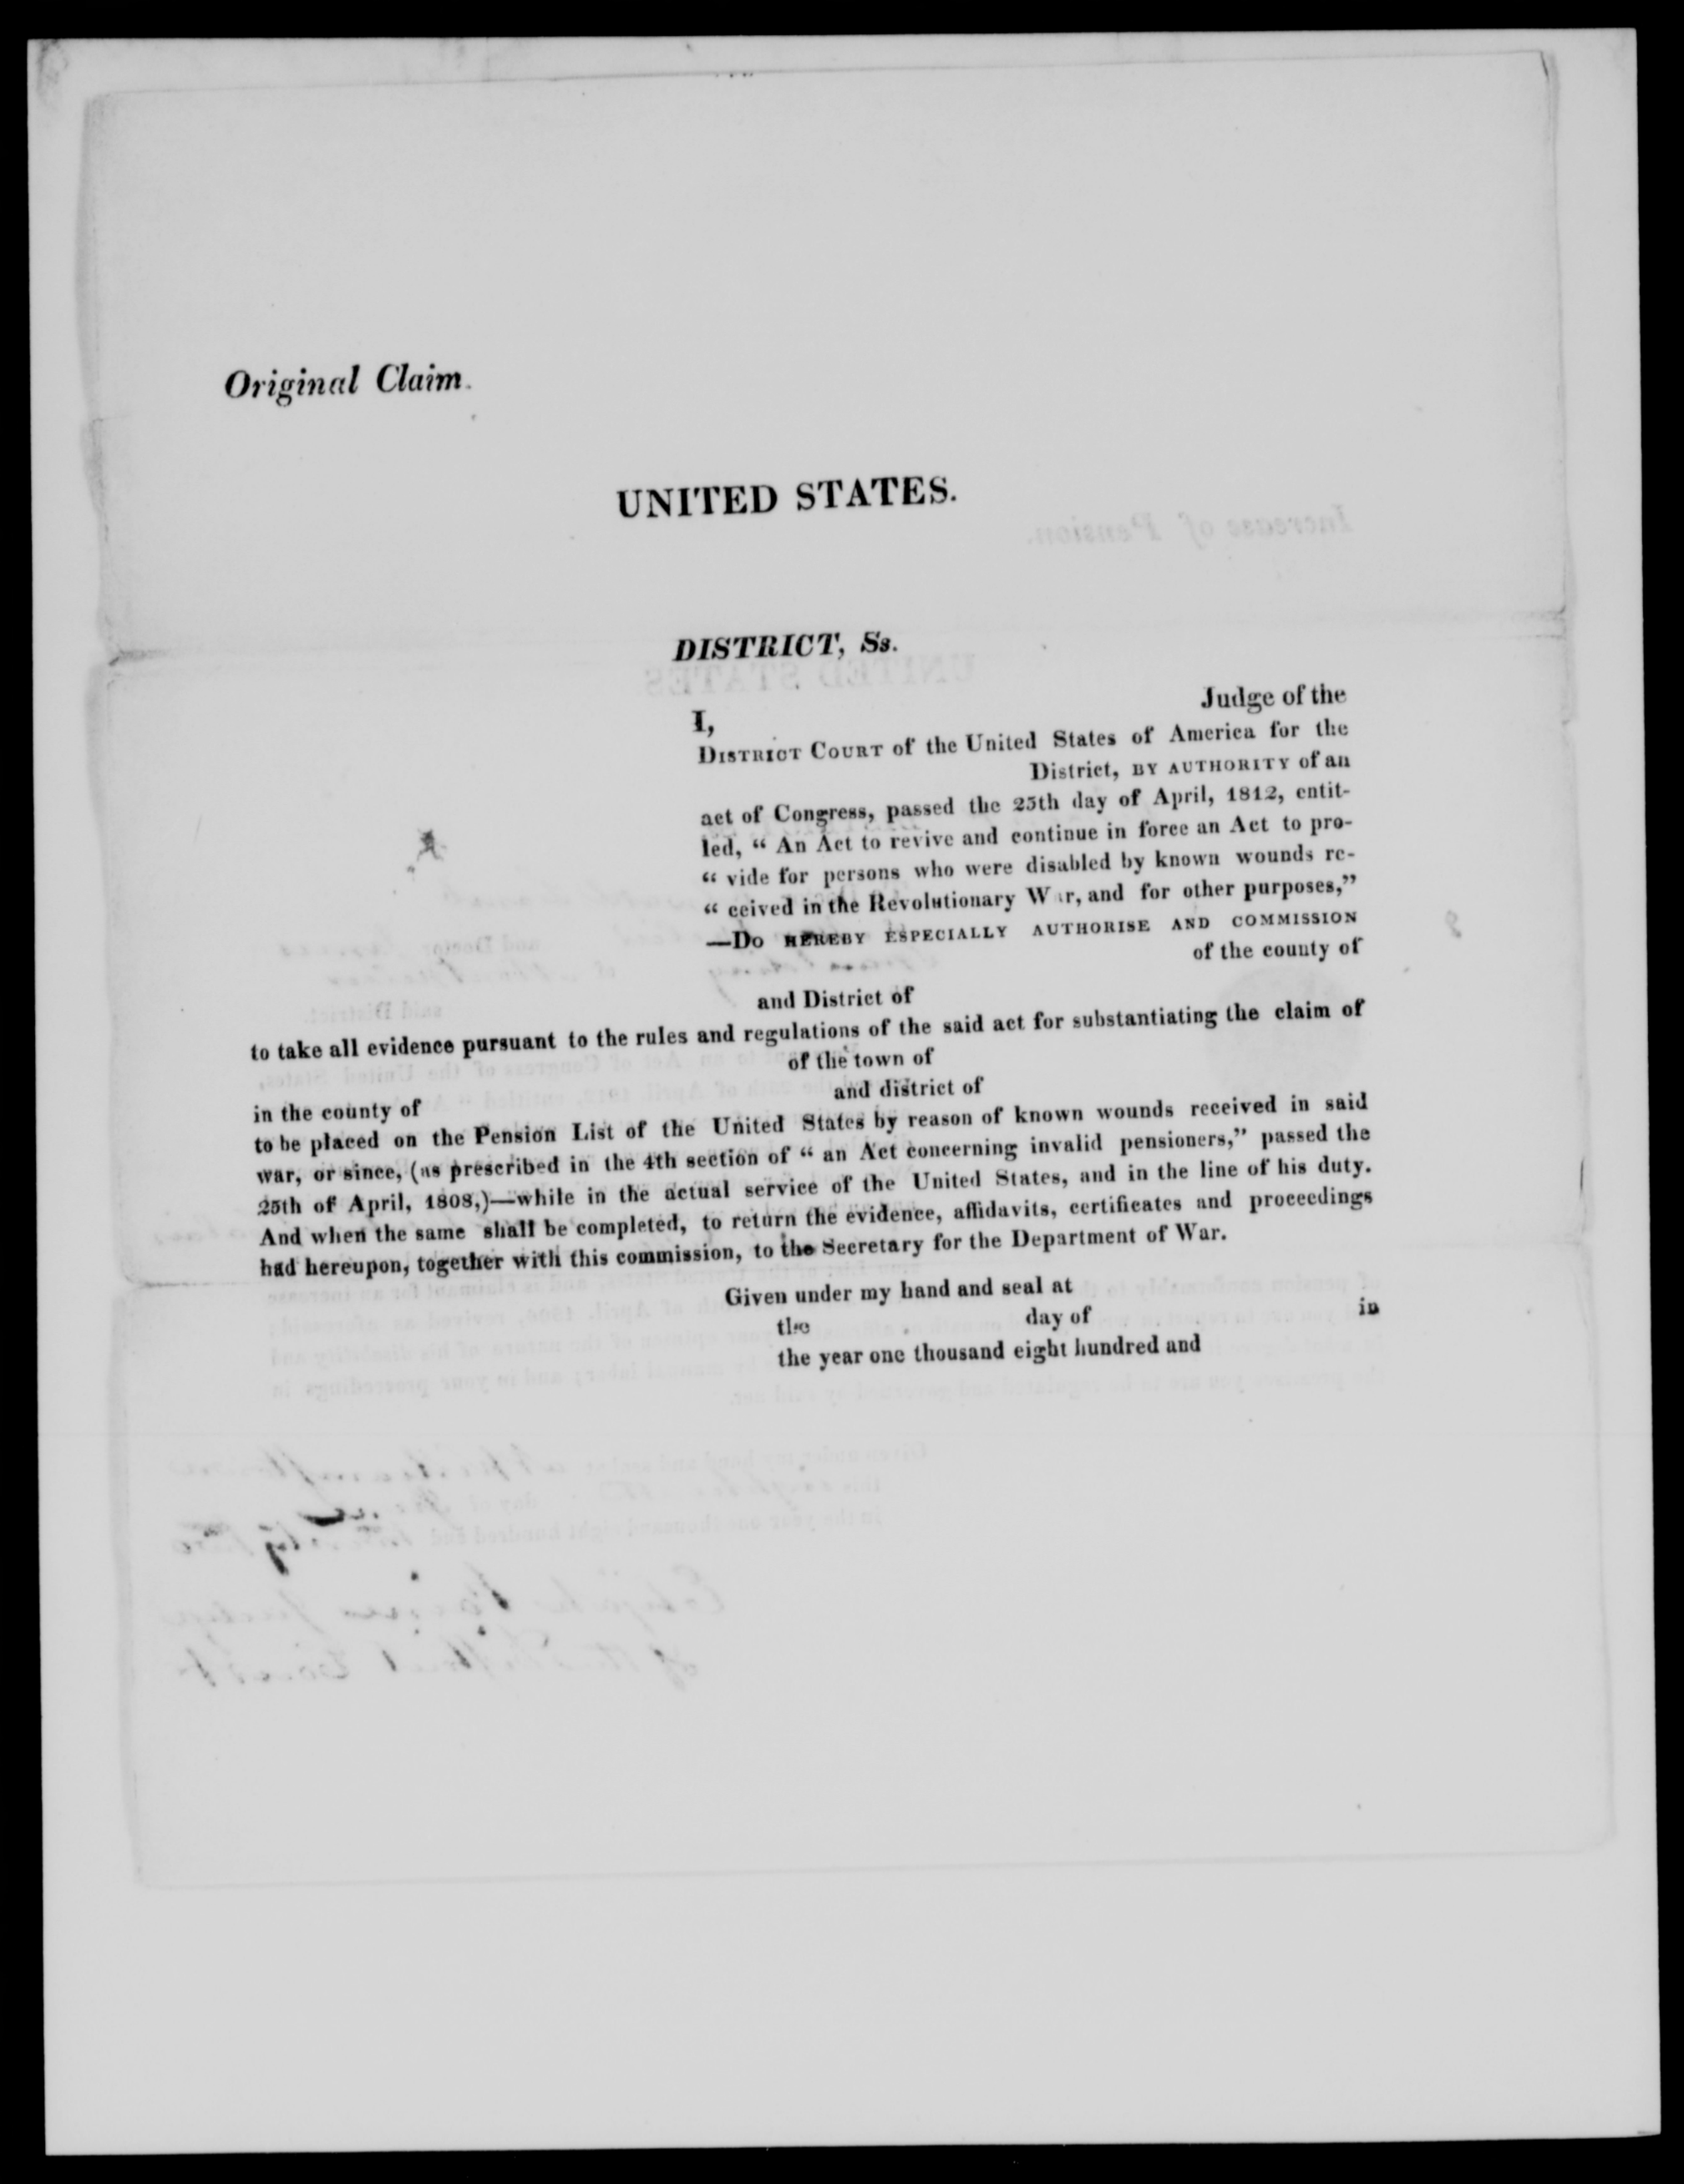Original Claim

UNITED STATES
DISTRICT Ss.

I,-----------Judge of the  of the United DISTRICT COURT  States of America for the..............District, BY AUTHORITY of an act of Congress, passed the 25th day of April, 1812, entitled " An Act to revive and continue in force an Act to provide for persons who were disabled by know wounds, received in the Revolutionary War, and for other purposes" DO HEREBY ESPECIALLY AUTHORISE AND COMMISSION.................of the county of ................and District of ...............to take all evidence pursuant to the rules and regulation of the said act for substantiating the claim of ..............of the town of ............in the county of..............and district of.................to be placed on the Pension List of the United States by reason of known wounds, received in said war, or since,(as prescribed in the 4th section of "an Act concerning invalid pensioners," passed the 25th day of April, 1808) while in the actual service of the United States, and in the line of his duty, And when the same shall be completed, to return the evidence, affidavits, certificates and proceedings had hereupon, together with this commission, to the Secretary for the Department of War.
Given under my hand and seal at ..............the .....day of ........in the year one thousand eight hundred and ..........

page: 36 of 79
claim: survivor's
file: S. 11759, Samuel White, Mass.